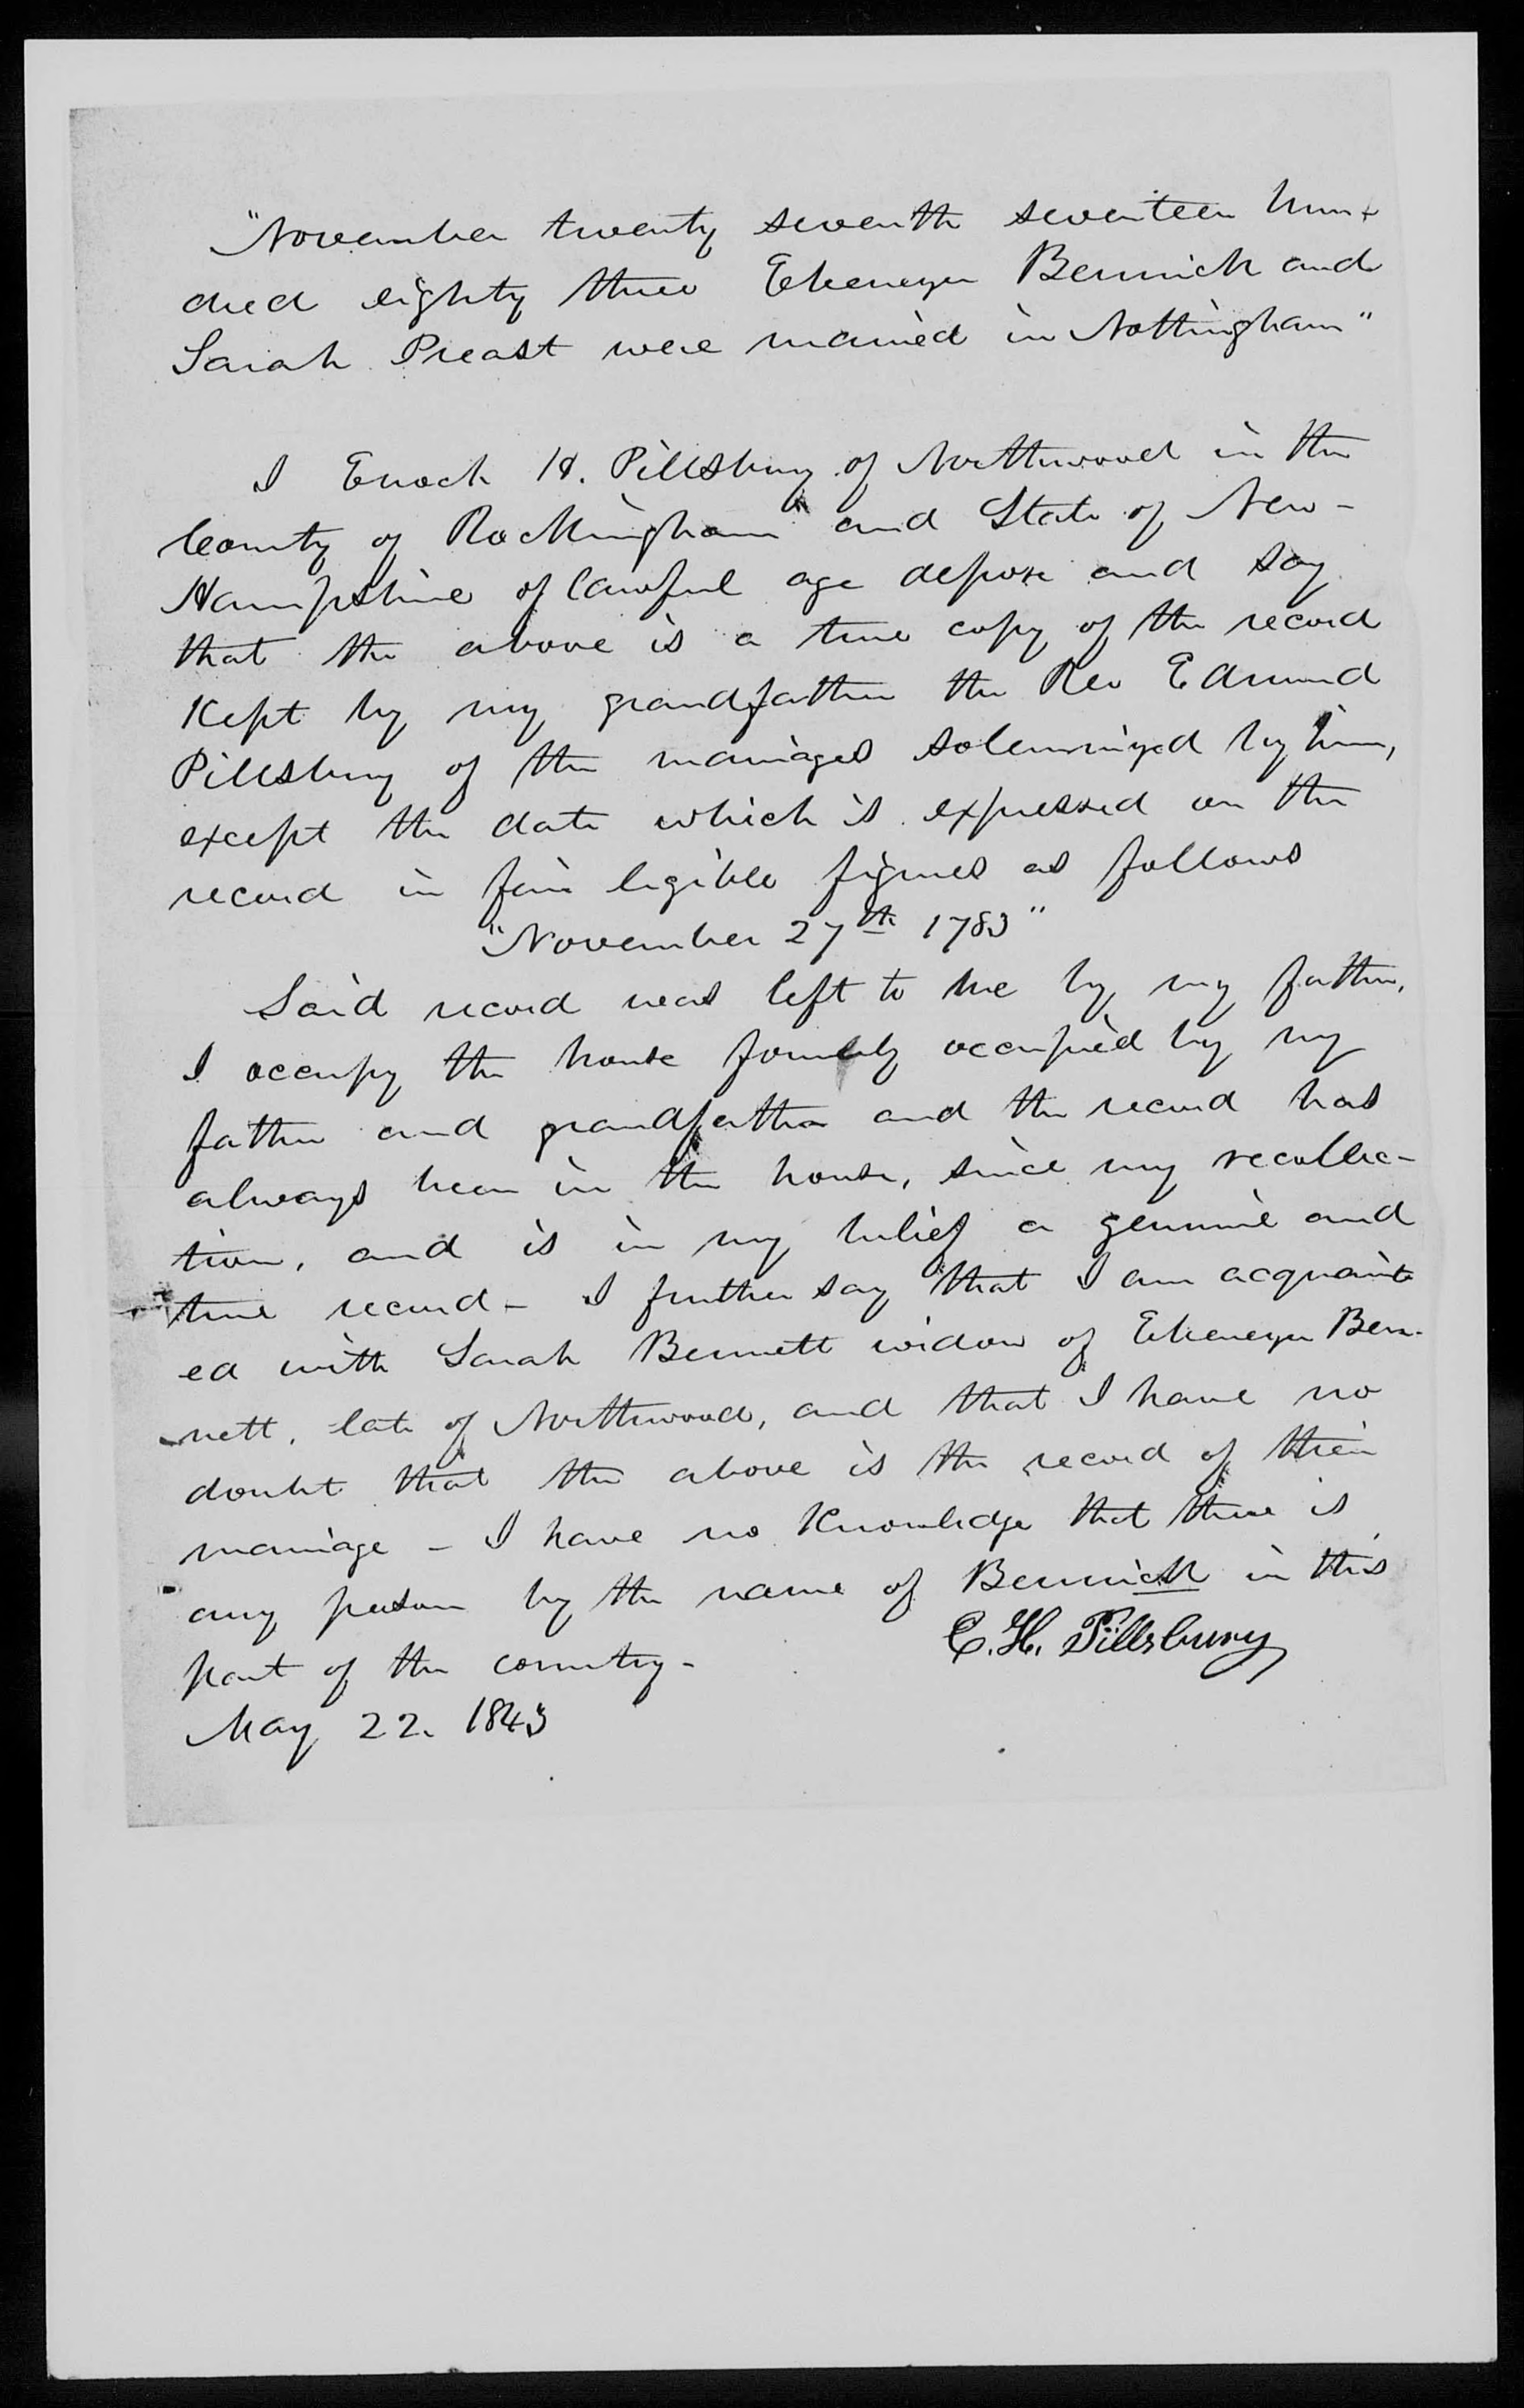"November twenty seventh seventeen hundred eighty three Ebenezer Bennett and Sarah Preast were married in Nottingham"
I Enoch H. Pillsbury of Nothwood in the
County of Rockingham and State of New
Hampshire of lawful age depose and say
that the above is a true copy of the record
kept by my grandfather the Rev Edmund
Pillsbury of the marriage solemnized by him,
except the date which is expressed on the
record in fair legible figures as follows
"November 27th 1783"
Said record was left to me by my father,
I occupy the house formerly occupied by my
father and grandfather and the record has
always been in the house, since my recollection, and is in my belief a genuine and true record - I further say that I am acquainted with Sarah Bennett widow of Ebenezer Bennett, late of Northwood, and that I have no doubt that the above is the record of their marriage - I have no knowledge that there is any person by the name of Bennick in the part of the country. E. H. Pillsbury
May 22. 1843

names: Edmund Pillsbury, Enoch H Pillsbury, Sarah Bennett, Ebenezer Bennett, E H Pillsbury, Ebenezer Bennick, Sarah Preast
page: 14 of 43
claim: widow's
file: W. 21665, Ebenezer Bennett, N. H. Privateer.